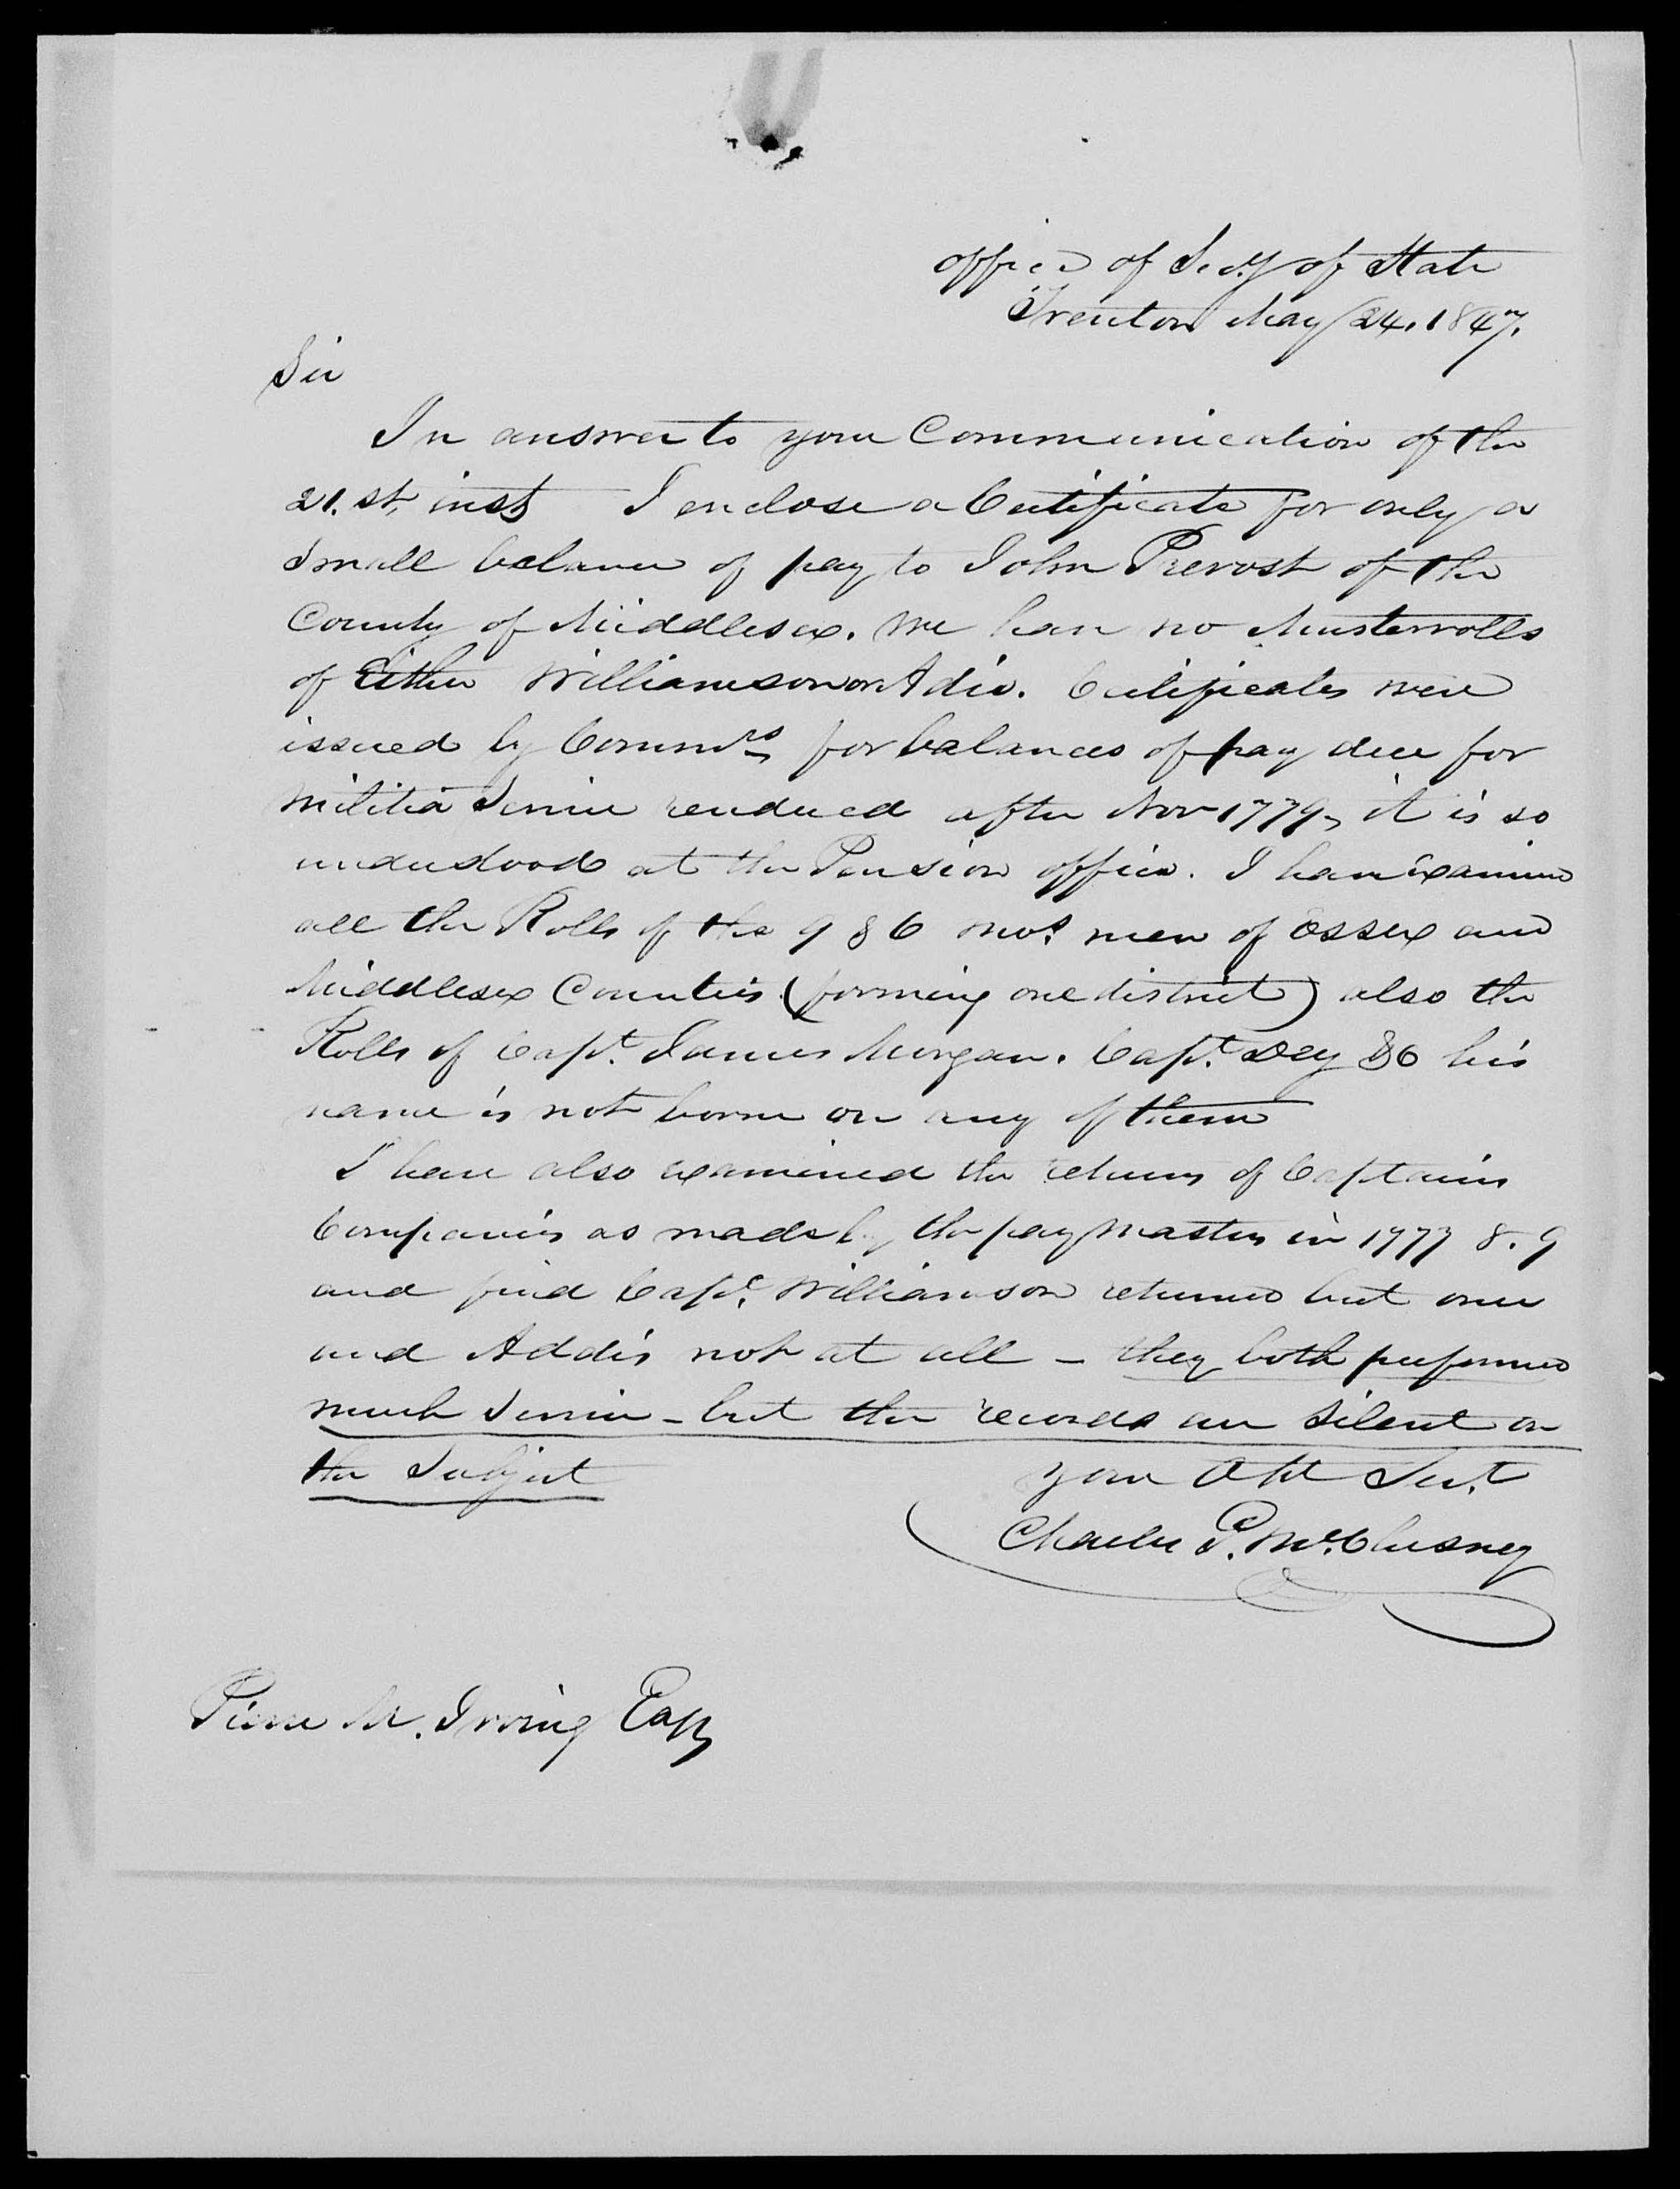Office of Secy of State Trenton May 24 1847
Sir, In answer to your communication of the 21st inst,  I enclose a Certificate for only a small balance of pay to John Prevost of the County of Middlesex. We have no Musterrolls of either Williamson or Addis. Certificates were issued by Commrs for balances of pay due for militia service rendered after Nov 1779 it is so understood at the Pension office. I have examined all the Rolls of the 9 & 6 mos men of Essex and Middlesex Counties (forming one district) also the Rolls of Capt. James Morgan Capt Capt. Dey & his name is not borne on any of them I have also examined the returns of Captains Companies as made by the paymasters in 1777, 8, 9 and find Captain Williamson returned but once and Addis not at all - they both performed much serice - but the records are silent in the subject. Your Obt Sert Charles P. Mc Chesney
Pierre M. Irving Esq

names: James Morgan; [BLANK] Williamson; Pierre M Irving; [BLANK] Addis; Charles G Mc Chesney; John Prevost; [BLANK] Day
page: 19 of 19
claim: rejected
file: R. 8454, for John Provoost, New Jersey